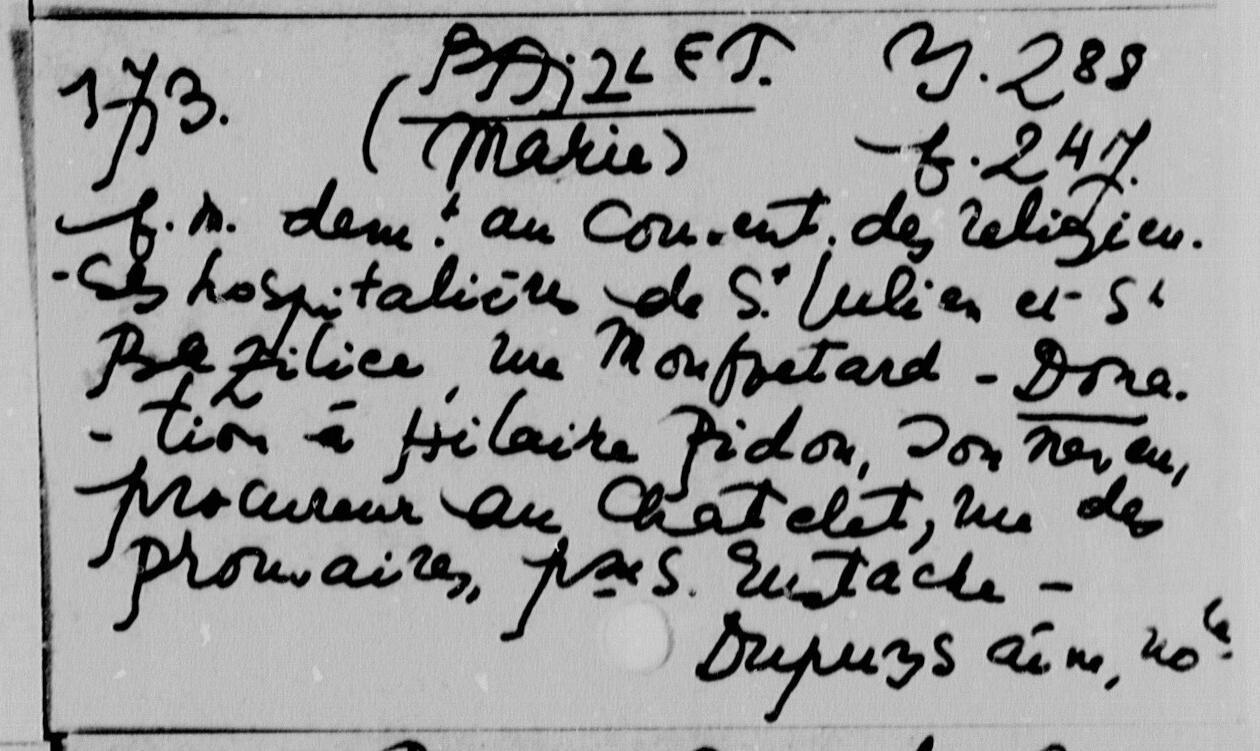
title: BAILLET (Marie)
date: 1713
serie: Y
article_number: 288
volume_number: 247
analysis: Fille majeure, demeurant au couvent des religieuses hospitalières de Saint-Julien et Sainte-Bazilice, rue Mouffetard Donation à Hilaire Pidou, son neveu, procureur au Châtelet, rue des Prouvaires, paroisse Saint-Eustache Dupuys aîné, notaire
